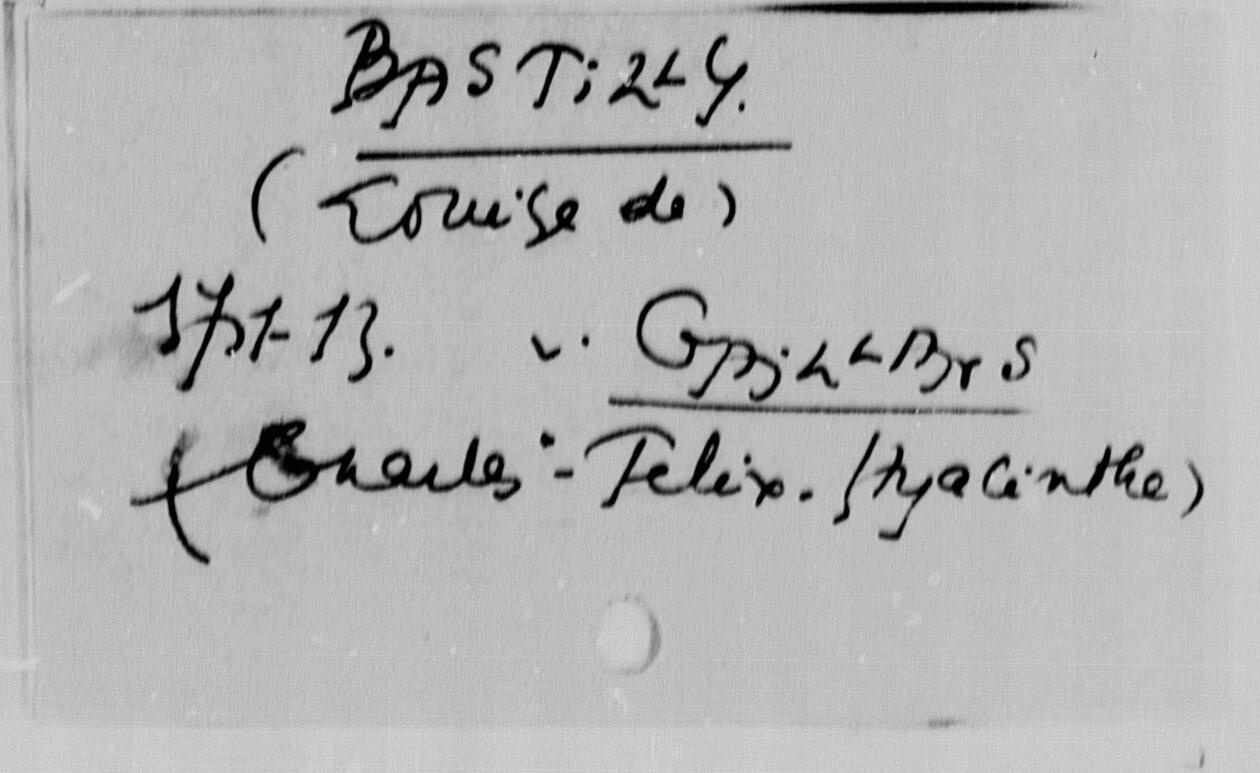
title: BASTILLY (Louise de)
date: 1711-1713
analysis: Voir GAILLANS (Charles-Felix-Hyacinthe)
